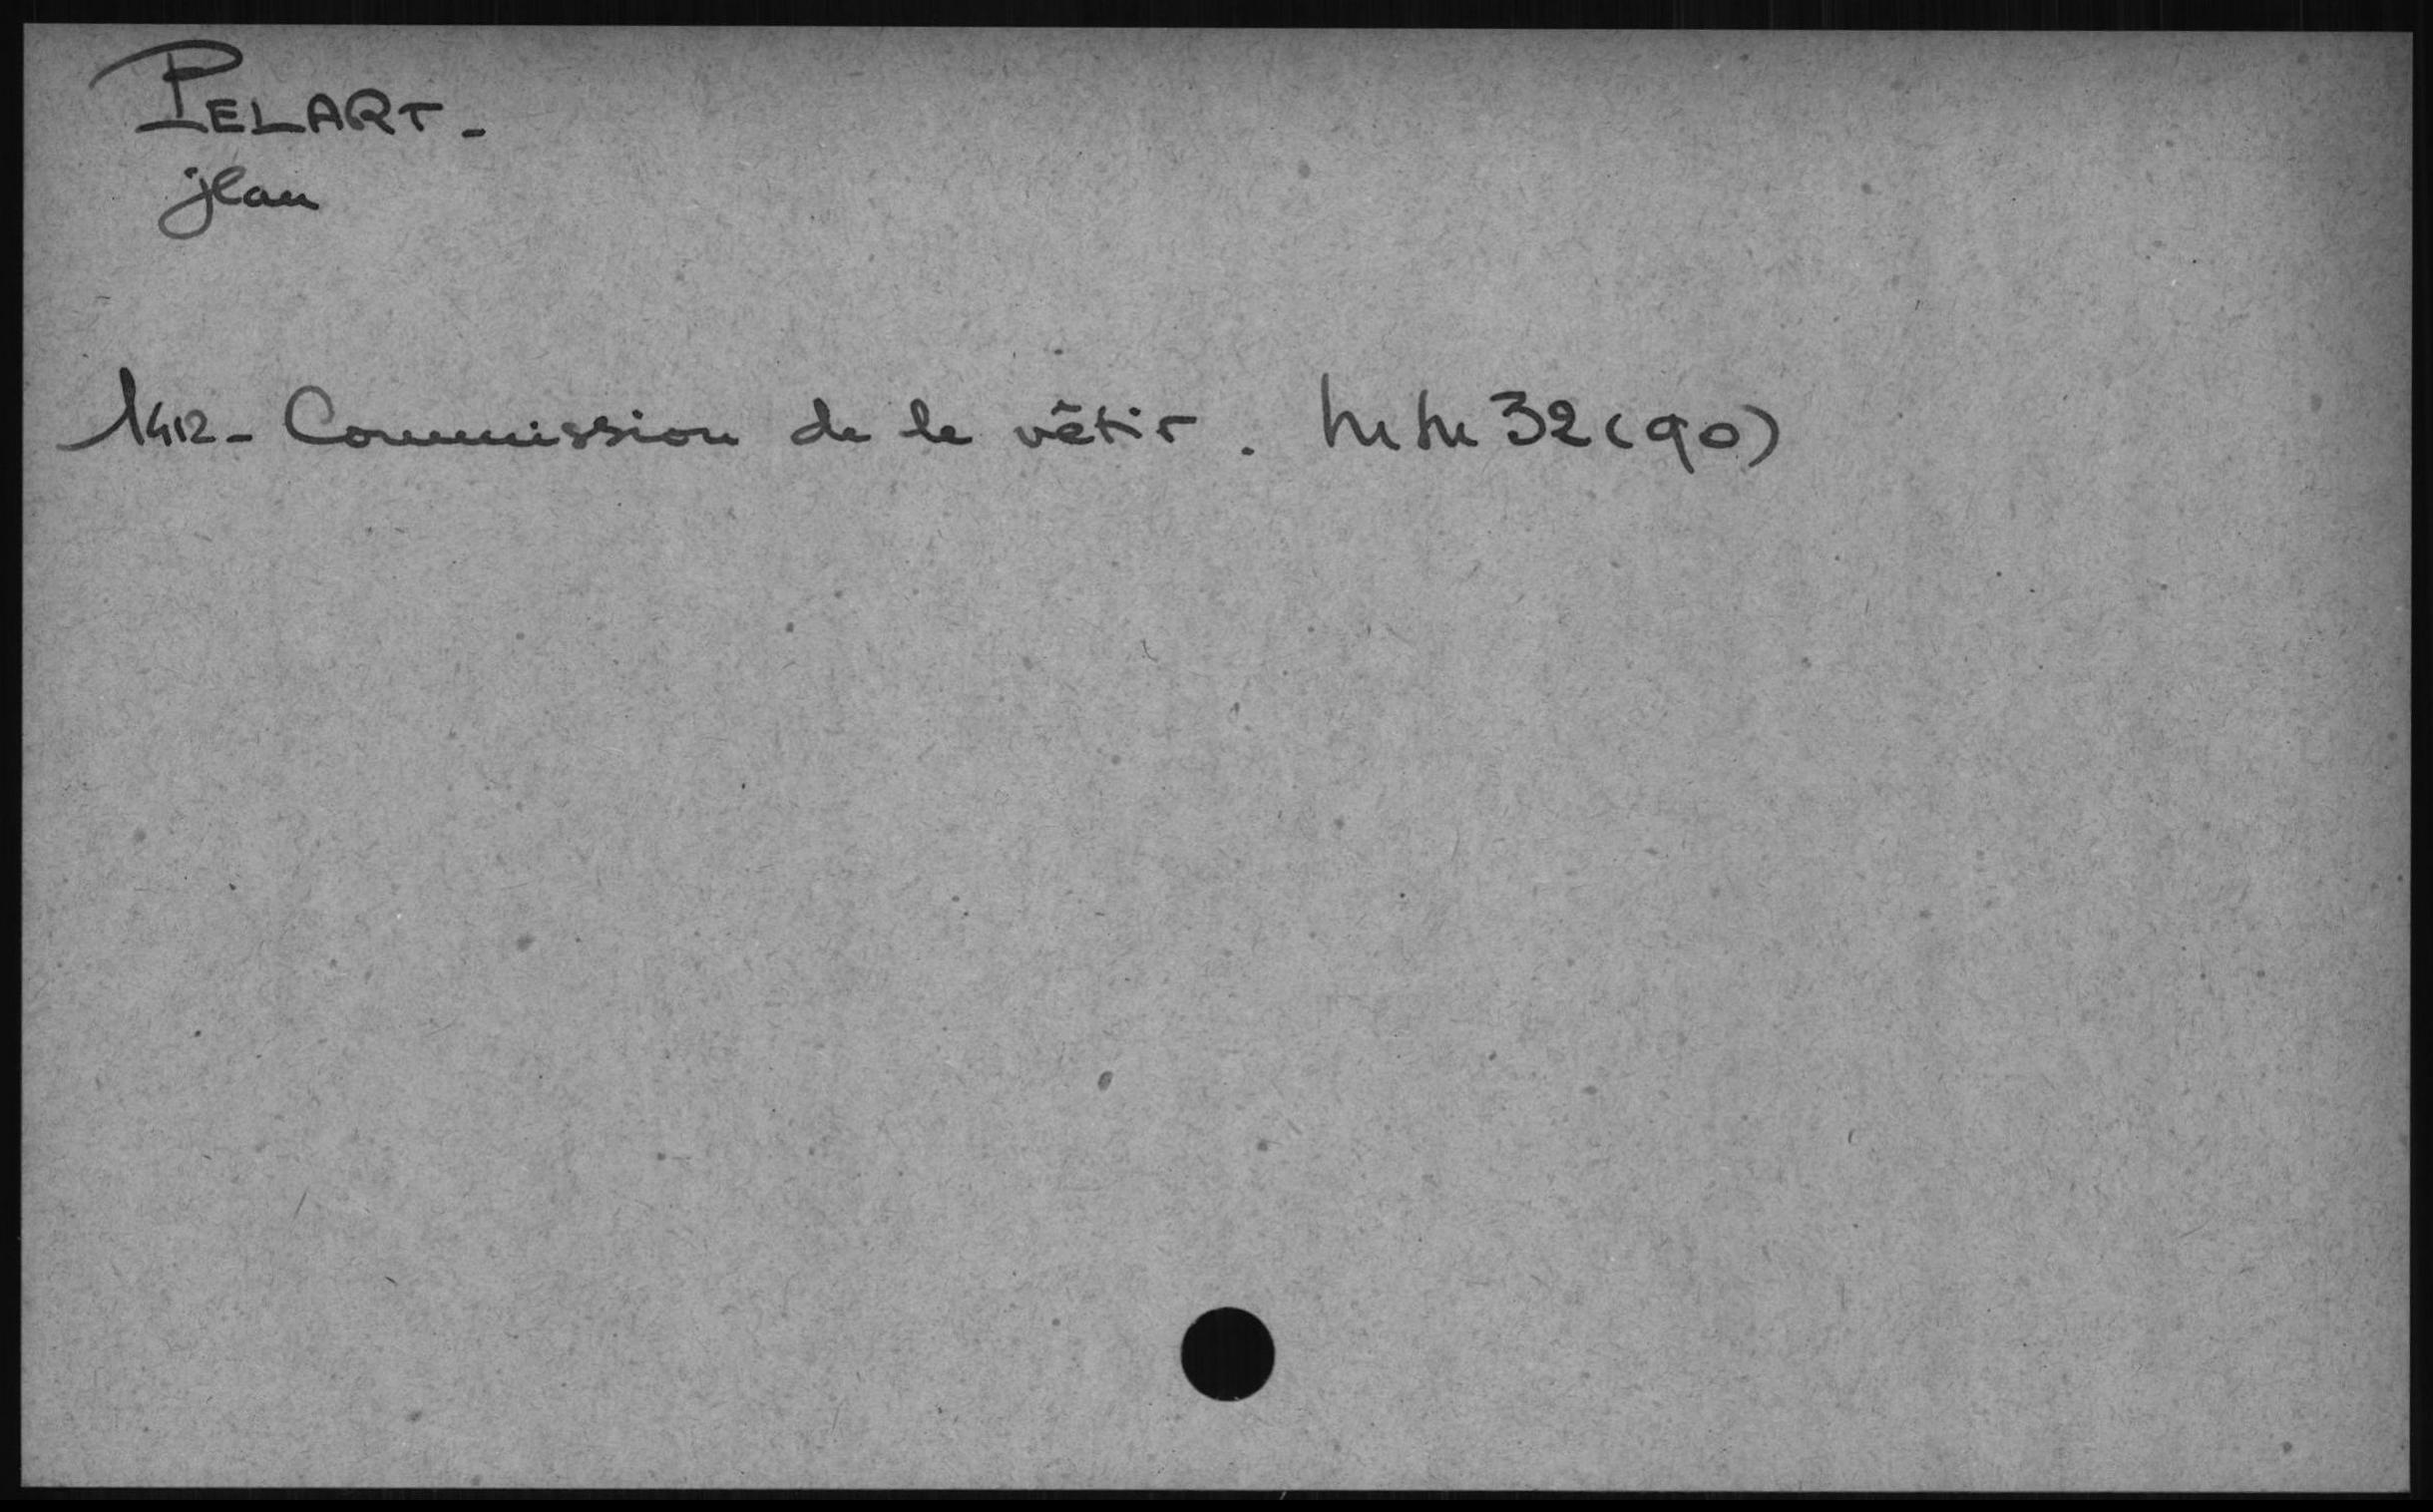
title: PELART Jean
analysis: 1412. Commission de le vêtir. MM 32 (90)
